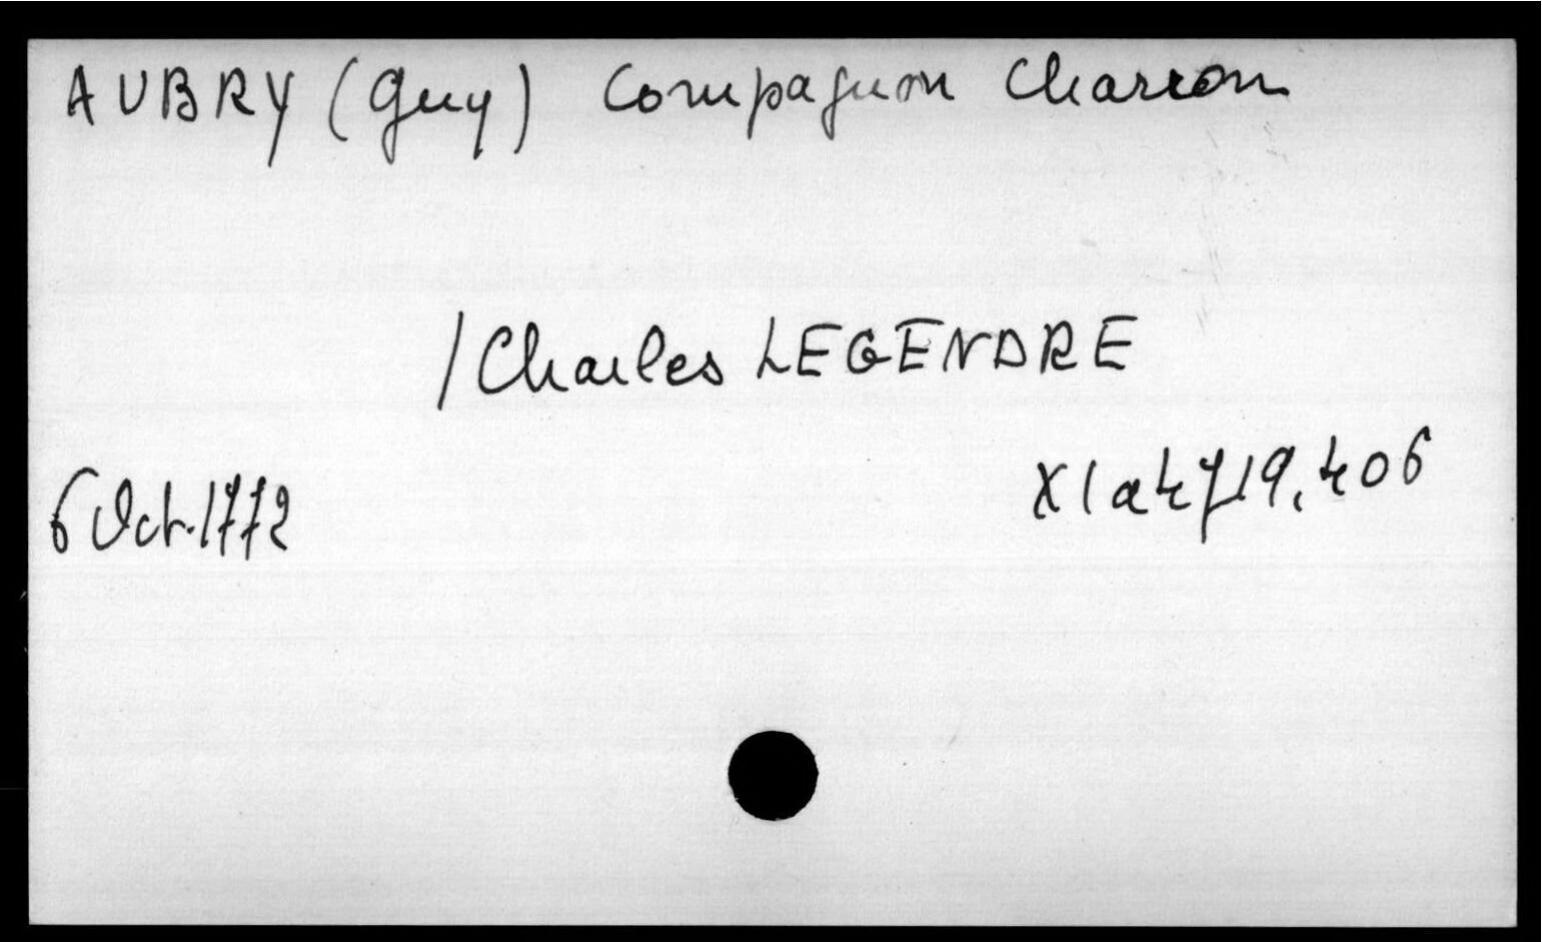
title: AUBRY (Guy) Compagnon Charron
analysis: Contre Charles LEGENDRE
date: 6 octobre 1772
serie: X1a
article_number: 4719
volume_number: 406
